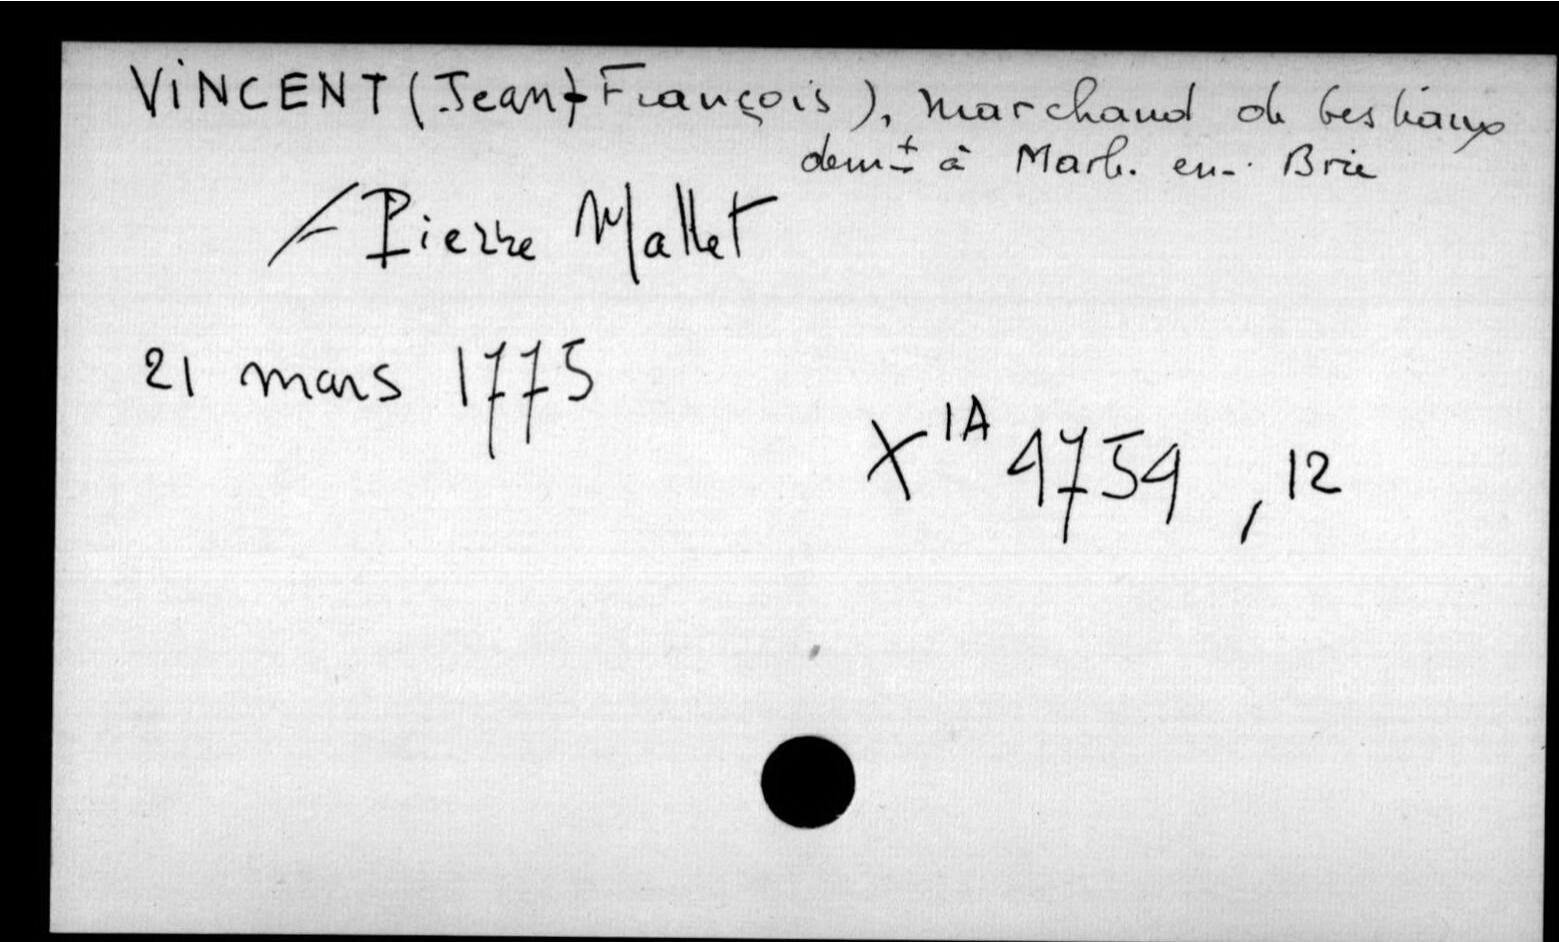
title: VINCENT (Jean-François), marchand de bestiaux demeurant à Marle-en-Brie
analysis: Contre Pierre Mallet
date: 21 mars 1775
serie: X1A
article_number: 4754
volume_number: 12
